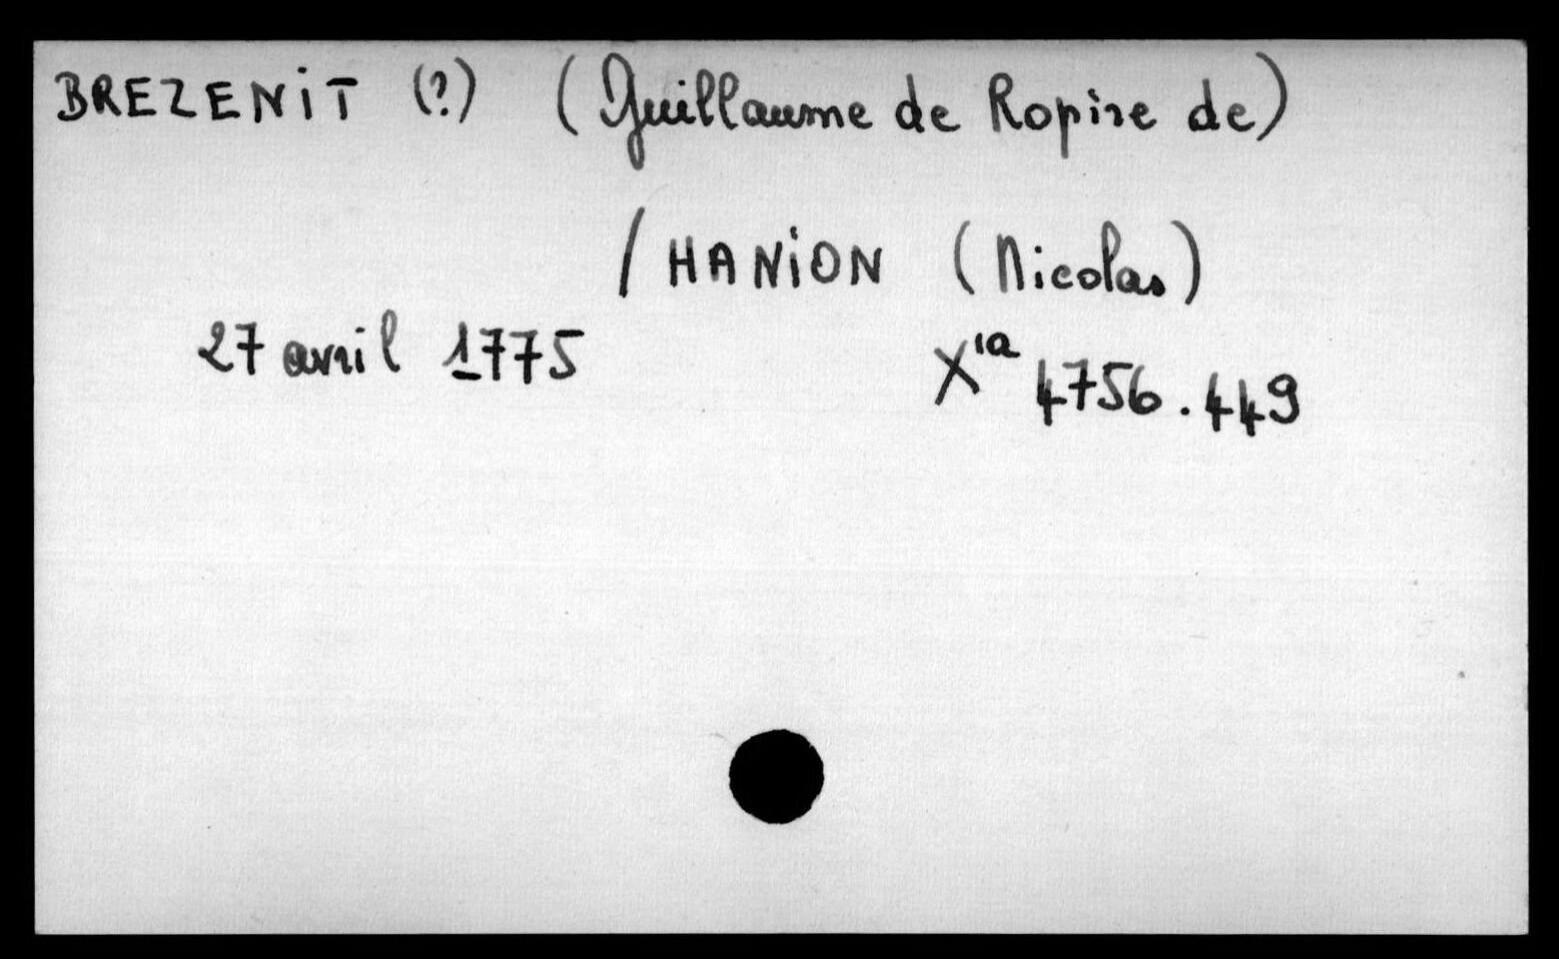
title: BREZENIT (?) (Guillaume de Ropire de)
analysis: Contre HANION (Nicolas)
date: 27 avril 1775
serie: X1a
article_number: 4756
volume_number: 449
